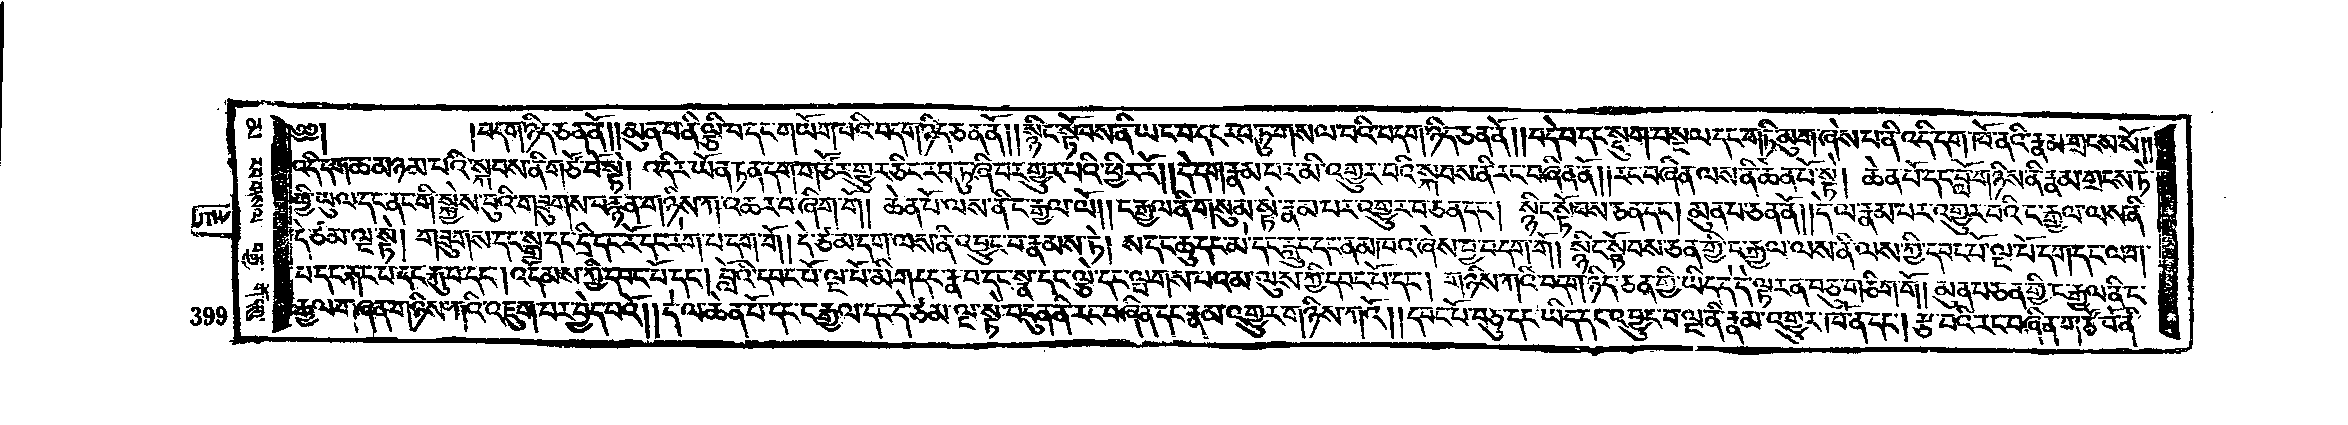༄༅། །བདག་ཉིད་ཅན་ནོ། །མུན་པ་ནི་ལྕི་བ་དང་གཡོག་པའི་བདག་ཉིད་ཅན་ནོ། །སྙིང་སྟོབས་ནི་ཡང་བ་དང་རབ་ཏུ་གསལ་བའི་བདག་ཉིད་ཅན་ནོ། །བདེ་བ་དང་སྡུག་བསྔལ་དང་གཏི་མུག་ཞེས་པ་ནི་འདི་དག་ཁོ་ནའི་རྣམ་གྲངས་སོ། །
འདི་དག་ཆ་མཉམ་པའི་སྐབས་ནི་གཙོ་བོ་སྟེ། འདིར་ཡོན་ཏན་དག་གཙོར་གྱུར་ཅིང་རབ་ཏུ་ཞི་བར་གྱུར་པའི་ཕྱིར་རོ། །དེ་དག་རྣམ་པར་མི་འགྱུར་བའི་སྐབས་ནི་རང་བཞིན་ནོ། །རང་བཞིན་ལས་ནི་ཆེན་པོ་སྟེ། ཆེན་པོ་དང་བློ་གཉིས་ནི་རྣམ་གྲངས་ཏེ་
ཕྱི་ཡུལ་དང་ནང་གི་སྐྱེས་བུའི་གཟུགས་བརྙན་གཉིས་ཀ་འཆར་བ་ཞིག་གོ ། ཆེན་པོ་ལས་ནི་ང་རྒྱལ་ལོ། །ང་རྒྱལ་ནི་གསུམ་སྟེ་རྣམ་པར་འགྱུར་བ་ཅན་དང་། སྙིང་སྟོབས་ཅན་དང་། མུན་པ་ཅན་ནོ། །དེ་ལ་རྣམ་པར་འགྱུར་བའི་ང་རྒྱལ་ལས་ནི་
དེ་ཙམ་ལྔ་སྟེ། གཟུགས་དང་སྒྲ་དང་དྲི་དང་རོ་དང་རེག་པ་དག་གོ །དེ་ཙམ་དག་ལས་ནི་འབྱུང་བ་རྣམས་ཏེ། ས་དང་ཆུ་དང་མེ་དང་རླུང་དང་ནམ་མཁའ་ཞེས་བྱ་བདག་གོ །སྙིང་སྟོབས་ཅན་གྱི་ང་རྒྱལ་ལས་ནི་ལས་ཀྱི་དབང་པོ་ལྔ་པོ་དག་དང་ལག་
པ་དང་རྐང་པ་དང་རྐུབ་དང་། འདོམས་ཀྱི་དབང་པོ་དང་། བློའི་དབང་པོ་ལྔ་པོ་མིག་དང་རྣ་བ་དང་སྣ་དང་ལྕེ་དང་ལྤགས་པའམ་ལུས་ཀྱི་དབང་པོ་དང་། གཉིས་ཀའི་བདག་ཉིད་ཅན་གྱི་ཡིད་དེ་དེ་ལྟར་ན་བཅུ་གཅིག་གོ །མུན་པ་ཅན་གྱི་ང་རྒྱལ་ནི་ང་
རྒྱལ་གཞན་གཉིས་ཀའི་འཇུག་པར་བྱེད་པའོ། །དེ་ལ་ཆེན་པོ་དང་ང་རྒྱལ་དང་དེ་ཙམ་ལྔ་སྟེ་བདུན་ནི་རང་བཞིན་དང་རྣམ་འགྱུར་གཉིས་ཀའོ། །དབང་པོ་བཅུ་དང་ཡིད་དང་འབྱུང་བ་ལྔ་ནི་རྣམ་འགྱུར་ཁོ་ན་དང་། རྩ་བའི་རང་བཞིན་གཙོ་བོ་ནི་